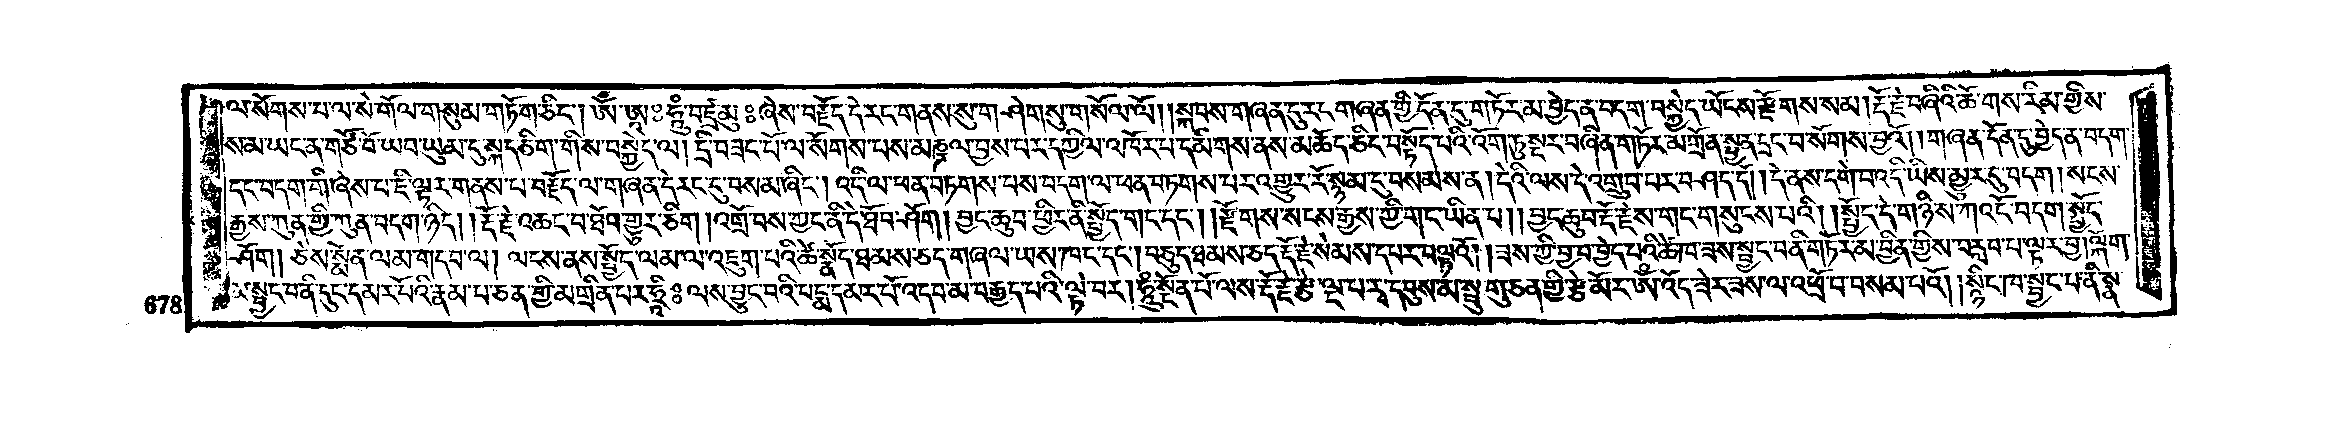ལ་སོགས་པ་ལ་སེ་གོལ་གསུམ་གཏོག་ཅིང་། ཨོཾ་ཨཱཿ ཧཱུཾ་བཛྲ་མུཿ ཞེས་བརྗོད་དེ་རང་གནས་སུ་གཤེགས་སུ་གསོལ་ལོ། །སྐབས་གཞན་དུ་རང་གཞན་གྱི་དོན་དུ་གཏོར་མ་བྱེད་ན་བདག་བསྐྱེད་ཡོངས་རྫོགས་སམ། རྡོ་རྗེ་བཞིའི་ཆོ་གས་རིམ་གྱིས་
ས་མ་ཡང་ན་གཙོ་བོ་ཡབ་ཡུམ་དུ་སྐད་ཅིག་གིས་བསྐྱེད་ལ། དྲི་བཟང་པོ་ལ་སོགས་པས་མཎྜལ་བྱས་པར་དཀྱིལ་འཁོར་པ་དམིགས་ནས་མཆོད་ཅིང་བསྟོད་པའི་འོག་ཏུ་སྔར་བཞིན་གཏོར་མགྲོན་སྤྱན་དྲང་བ་སོགས་བྱའོ། །གཞན་དོན་དུ་བྱེད་ན་བདག་
དང་བདག་གི་ཞེས་པ་ཇི་ལྟར་གནས་པ་བརྗོད་ལ་གཞན་དེ་རང་དུ་བསམ་ཞིང་། འདི་ལ་ཕན་བཏགས་པས་བདག་ལ་ཕན་བཏགས་པར་འགྱུར་རོ་སྙམ་དུ་བསམས་ན། དེའི་ལས་དེ་འགྲུབ་པར་བཤད་དོ། །དེ་ནས་དགེ་བ་འདི་ཡིས་མྱུར་དུ་བདག །སངས་
རྒྱས་ཀུན་གྱི་ཀུན་བདག་ཉིད། །རྡོ་རྗེ་འཆང་བ་ཐོབ་གྱུར་ཅིག །འགྲོ་བས་ཀྱང་ནི་དེ་ཐོབ་ཤོག །བྱང་ཆུབ་ཕྱིར་ནི་སྤྱོད་གང་དང་། །རྫོགས་སངས་རྒྱས་ཀྱི་གང་ཡིན་པ། །བྱང་ཆུབ་རྡོ་རྗེས་གང་གསུངས་པའི། །སྤྱོད་དེ་གཉིས་ཀའངོ་བདག་སྤྱོད་
ཤོག །ཅེས་སྨོན་ལམ་གདབ་ལ། ལངས་ནས་སྤྱོད་ལམ་ལ་འཇུག་པའི་ཚེ་སྣོད་ཐམས་ཅད་གཞལ་ཡས་ཁང་དང་། བཅུད་ཐམས་ཅད་རྡོ་རྗེ་སེམས་དཔར་བལྟའོ། །ཟས་ཀྱི་བྱ་བ་བྱེད་པའི་ཚེ་ཁ་ཟས་སྦྱང་བ་ནི་གཏོར་མ་བྱིན་གྱིས་བརླབ་པ་ལྟར་བྱ། ལྐོག་
མ་སྦྱང་བ་ནི་དུང་དམར་པོའི་རྣམ་པ་ཅན་གྱི་མགྲིན་པར་ཧྲཱིཿ ལས་བྱུང་བའི་པདམ་དམར་པོ་འདབ་མ་བརྒྱད་པའི་ལྟེ་བར། ཧཱུཾ་སྔོན་པོ་ལས་རྡོ་རྗེ་རྩེ་ལྔ་པ་རྭ་དབུས་མ་སྦུ་གུ་ཅན་གྱི་རྩེ་མོར་ཨོཾ་འོད་ཟེར་ཟས་ལ་འཕྲོ་བ་བསམ་པའོ། །སྙིང་ཁ་སྦྱང་པ་ནི་སྣ་